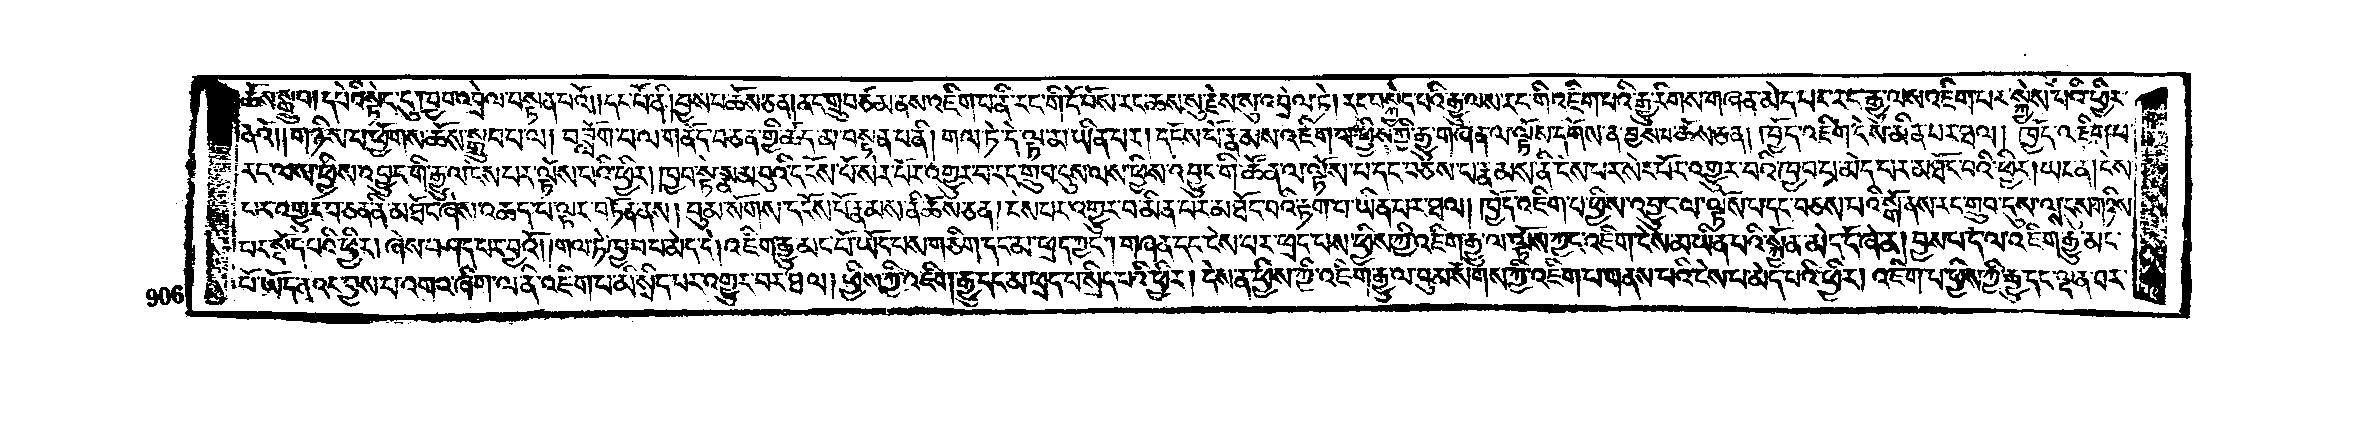ཆོས་སྒྲུབ། དཔེའི་སྟེང་དུ་ཁྱབ་འབྲེལ་བསྟན་པའོ། །དང་པོ་ནི། བྱས་པ་ཆོས་ཅན། ནང་གྲུབ་ཙམ་ནས་འཇིག་པ་ནི་རང་གི་ངོ་བོས་རང་ཆས་སུ་རྗེས་སུ་འབྲེལ་ཏེ། རང་བསྐྱེད་པའི་རྒྱུ་ལས་རང་གི་འཇིག་པའི་རྒྱུ་རིགས་གཞན་མེད་པར་རང་རྒྱུ་ལས་འཇིག་པར་སྐྱེས་པའི་ཕྱིར་
ནའོ། །གཉིས་པ་ཕྱོགས་ཆོས་སྒྲུབ་པ་ལ། བཟློག་པ་ལ་གནོད་པ་ཅན་གྱི་ཚད་མ་བསྟན་པ་ནི། གལ་ཏེ་དེ་ལྟ་མ་ཡིན་པར། དངོས་པོ་རྣམས་འཇིག་པ་ཕྱིས་ཀྱི་རྒྱུ་གཞན་ལ་ལྟོས་དགོས་ན་བྱས་པ་ཆོས་ཅན། ཁྱོད་འཇིག་ངེས་མིན་པར་ཐལ། ཁྱོད་འཇིག་པ་
རང་ལས་ཕྱིས་འབྱུང་གི་རྒྱུ་ལ་ངེས་པར་ལྟོས་པའི་ཕྱིར། ཁྱབ་སྟེ་སྣམ་བུའི་དངོས་པོ་སེར་པོར་འགྱུར་བར་རང་གྲུབ་དུས་ལས་ཕྱིས་འབྱུང་གི་ཚོན་ལ་ལྟོས་པ་དང་བཅས་པ་རྣམས་ནི་ངེས་པར་སེར་པོར་འགྱུར་བའི་ཁྱབ་པ་མེད་པར་མཐོང་བའི་ཕྱིར། ཡང་ན། ངེས་
པར་འགྱུར་བ་ཅན་ནི་མཐོང་ཞེས་འཆད་པ་ལྟར་བཏོན་ནས། བུམ་སོགས་དངོས་པོ་རྣམས་ནི་ཆོས་ཅན། ངེས་པར་འགྱུར་བ་མིན་པར་མཐོང་བའི་རྟག་པ་ཡིན་པར་ཐལ། ཁྱོད་འཇིག་པ་ཕྱིས་འབྱུང་ལ་ལྟོས་པ་དང་བཅས་པའི་སྒོ་ནས་རང་གྲུབ་དུས་ལས་དུས་གཉིས་
པར་སྡོད་པའི་ཕྱིར། ཞེས་བཤད་པར་བྱའོ། །གལ་ཏེ་ཁྱབ་པ་མེད་དེ། འཇིག་རྒྱུ་མང་པོ་ཡོད་པས་གཅིག་དང་མ་ཕྲད་ཀྱང་། གཞན་དང་ངེས་པར་ཕྲད་པས་ཕྱིས་ཀྱི་འཇིག་རྒྱུ་ལ་ལྟོས་ཀྱང་འཇིག་ངེས་མ་ཡིན་པའི་སྐྱོན་མེད་དོ་ཞེ་ན། བྱས་པ་དེ་ལ་འཇིག་རྒྱུ་མང་
པོ་ཡོད་ནའང་བྱས་པ་འགའ་ཞིག་ལ་ནི་འཇིག་པ་མི་སྲིད་པར་འགྱུར་བར་ཐལ། ཕྱིས་ཀྱི་འཇིག་རྒྱུ་དང་མ་ཕྲད་པ་སྲིད་པའི་ཕྱིར། དེས་ན་ཕྱིས་ཀྱི་འཇིག་རྒྱུ་ལ་བུམ་སོགས་ཀྱི་འཇིག་པ་གནས་པའི་ངེས་པ་མེད་པའི་ཕྱིར། འཇིག་པ་ཕྱིས་ཀྱི་རྒྱུ་དང་ལྡན་པ་